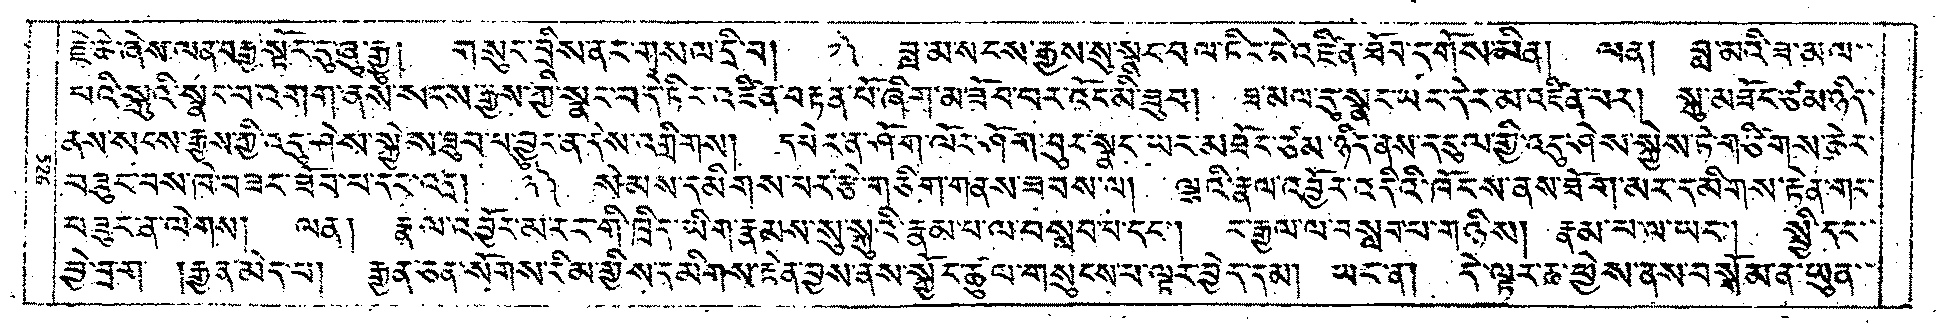རྗེ་ཆེ་ཞེས་ལན་བརྒྱ་སྟོང་དུ་ཞུ་རྒྱུ། གསུང་བྲིས་ནང་གསལ་དྲི་བ། ༡?་བླ་མ་སངས་རྒྱས་སུ་སྣང་བ་ལ་ཏིང་ངེ་འཛིན་ཐོབ་དགོས་མིན། ལན། བླ་མའི་ཐ་མལ་
པའི་སྐུའི་སྣང་བ་འགག་ནས་སངས་རྒྱས་ཀྱི་སྣང་བ་དེ་ཏིང་འཛིན་བརྟན་པོ་ཞིག་མ་ཐོབ་པར་འོང་མི་ཐུབ། ཐ་མལ་དུ་སྣང་ཡང་དེར་མ་འཛིན་པར། སྐུ་མཐོང་ཙམ་ཉིད་
ནས་སངས་རྒྱས་ཀྱི་འདུ་ཤེས་སྐྱེས་ཐུབ་པ་བྱུང་ན་དེས་འགྲིགས། དཔེར་ན་ཤོག་ལོར་ཤོག་བུར་སྣང་ཡང་མཐོང་ཙམ་ཉིད་ནས་དངུལ་གྱི་འདུ་ཤེས་སྐྱེས་ཏེ་གཙིགས་ཆེར་
བཟུང་བས་ཁེ་བཟང་ཐོབ་པ་དང་འདྲ། ༢?་སེམས་དམིགས་པར་རྩེ་གཅིག་གནས་ཐབས་ལ། ལྷའི་རྣལ་འབྱོར་འདིའི་ཁོངས་ནས་ཐོག་མར་དམིགས་རྟེན་གང་
བཟུང་ན་ལེགས། ལན། རྣལ་འབྱོར་མ་རང་གི་ཁྲིད་ཡིག་རྣམས་སུ་སྐུའི་རྣམ་པ་ལ་བསླབ་པ་དང་། ང་རྒྱལ་ལ་བསླབ་པ་གཉིས། རྣམ་པ་ལ་ཡང་། སྤྱི་དང་
བྱེ་བྲག །རྒྱན་མེད་པ། རྒྱན་ཅན་སོགས་རིམ་གྱིས་དམིགས་རྟེན་བྱས་ནས་སྐྱོང་ཚུལ་གསུངས་པ་ལྟར་བྱེད་དམ། ཡང་ན། དེ་ལྟར་ཆ་ཕྱེས་ནས་བསྒོམ་ན་ཡུན་